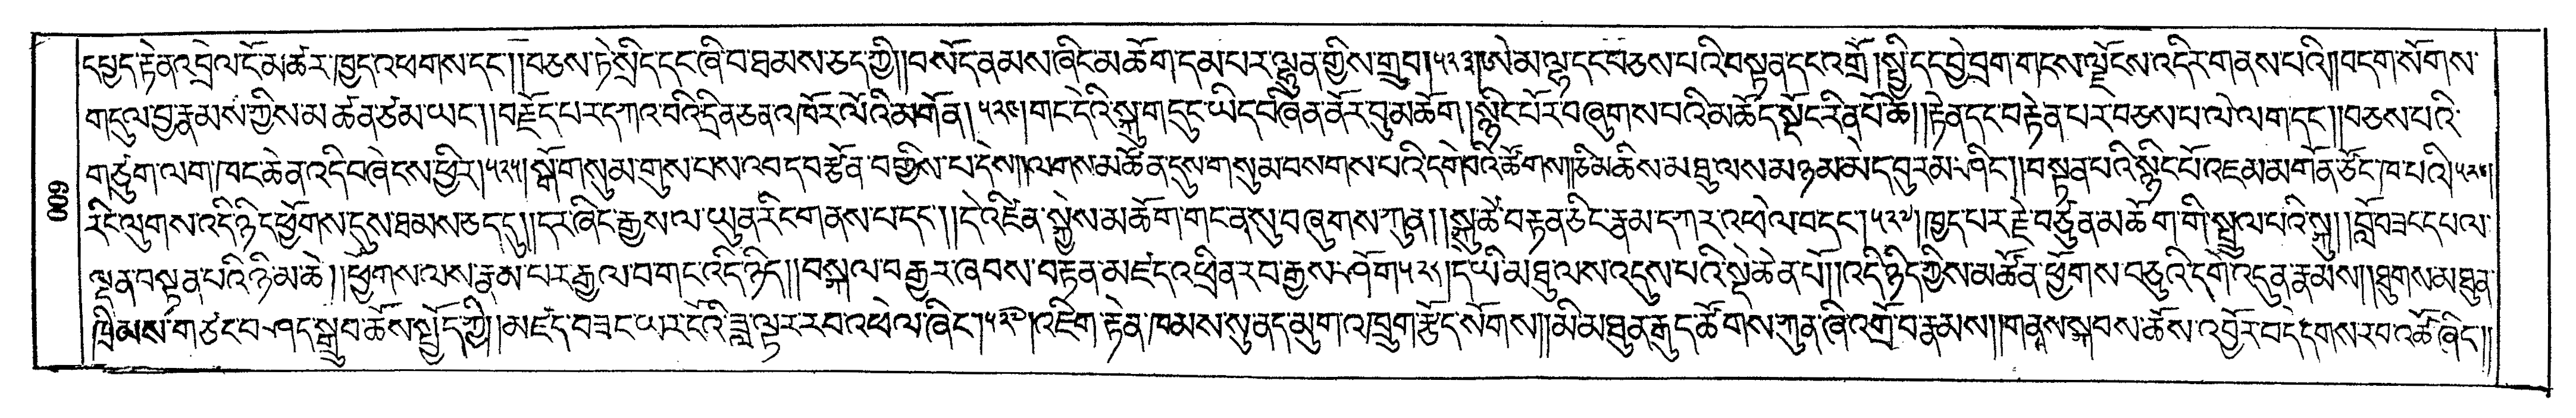དཔྱད་རྟེན་འབྲེལ་ངོ་མཚར་ཁྱད་འཕགས་དང་། །བཅས་ཏེ་སྲིད་དང་ཞིབ་ཐམས་ཅད་ཀྱི། །བསོད་ནམས་ཞིང་མཆོག་དམ་པར་ལྷུན་གྱིས་གྲུབ། ༥༢༣་།ཨེ་མ་ལྷ་དང་བཅས་པའི་བསྟན་དང་འགྲོ་།སྤྱི་དང་བྱེ་བྲག་གངས་ལྗོངས་འདིར་གནས་པའི། །བདག་སོགས་
གདུལ་བྱ་རྣམས་ཀྱིས་མཚན་ཙམ་ཡང་། །བརྗོད་པར་དཀའ་བའི་དྲིན་ཅན་འཁོར་ལོའི་མགོན། ༥༢༤་།གང་དེའི་སྐུ་གདུང་ཡིད་བཞིན་ནོར་བུ་མཆོག །སྙིང་པོར་བཞུགས་པའི་མཆོད་སྡོང་རིན་པོ་ཆེ། །རྟེན་དང་བརྟེན་པར་བཅས་པ་ལེ་ལག་དང་། །བཅས་པའི་
གཙུག་ལག་ཁང་ཆེན་འདི་བཞེངས་ཕྱིར། ༥༢༥་།སྒོ་གསུམ་གུས་པས་འབད་བརྩོན་བགྱིས་པ་དེས། །ལགས་མཚོན་དུས་གསུམ་བསགས་པའི་དགེ་བའི་ཚོགས། །ཅི་མཆིས་མཐུ་ལས་མཉམ་མེད་བུ་རམ་ཤིང་། །བསྟན་པའི་སྙིང་པོ་འཇམ་མགོན་ཙོང་ཁ་པའི། ༥༢༤
རིང་ལུགས་འདི་ཉིད་ཕྱོགས་དུས་ཐམས་ཅད་དུ། །དར་ཞིང་རྒྱས་ལ་ཡུན་རིང་གནས་པ་དང་། །དེ་འཛིན་སྐྱེས་མཆོག་གང་ན་སུ་བཞུགས་ཀུན། །སྐུ་ཚེ་བརྟན་ཅིང་རྣམ་དཀར་འཕེལ་བ་དང་། ༥༢༧་།ཁྱད་པར་རྗེ་བཙུན་མཆོག་གི་སྤྲུལ་པའི་སྐུ། །བློ་བཟང་དཔལ་
ལྡན་བསྟན་པའི་ཉི་མ་ཆེ། །ཕྱོགས་ལས་རྣམ་པར་རྒྱལ་བ་གང་འདི་ཉིད། །བསྐལ་བརྒྱར་ཞབས་བརྟན་མཛད་འཕྲིན་རབ་རྒྱས་ཤོག ༥༢༢་།དེ་ཡི་མཐུ་ལས་འདུས་པའི་སྡེ་ཆེན་པོ། །འདི་ཉིད་ཀྱིས་མཚོན་ཕྱོགས་བཅུའི་དགེ་འདུན་རྣམས། །ཐུགས་མཐུན་
ཁྲིམས་གཙང་བཤད་སྒྲུབ་ཆོས་སྦྱོད་ཀྱི། །མཛད་བཟང་ཡར་ངོའི་ཟླ་ལྟར་རབ་འཕེལ་ཞིང་། ༥༢༧་།འཇིག་རྟེན་ཁམས་སུ་ནད་མུག་འཁྲུག་རྩོད་སོགས། །མི་མཐུན་རྒུད་ཚོགས་ཀུན་ཞི་འགྲོ་བ་རྣམས། །གནས་ཁབས་ཆོས་འབྱོར་བདེ་དགེས་རབ་འཚོ་ཞིང་།